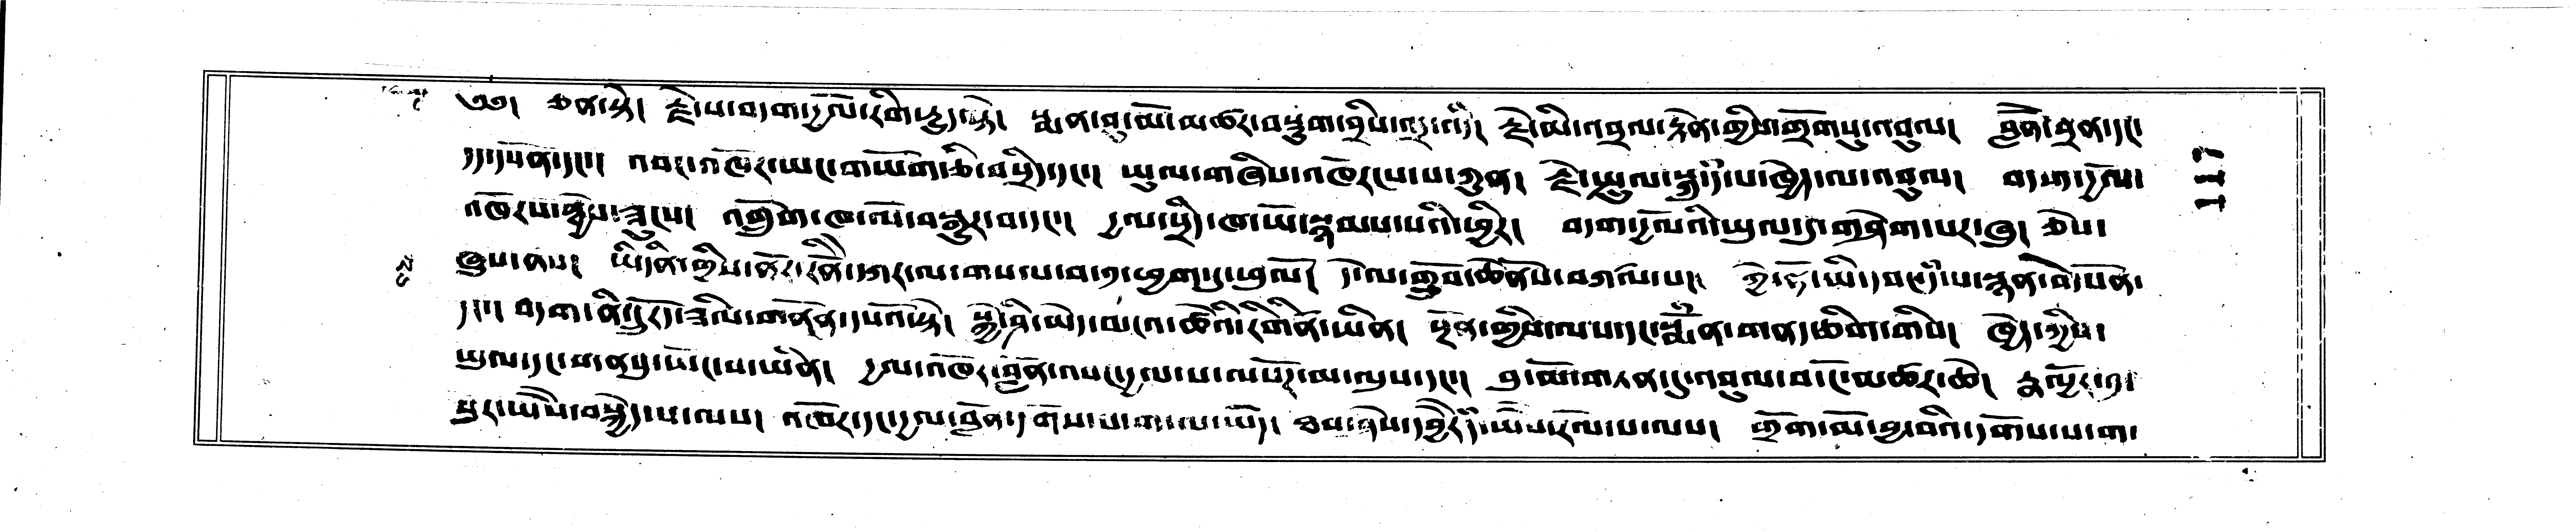ཅན་སྟེ། རྗེ་ས་བདག་རྒྱལ་པོ་རིགས་རྒྱུད་སྟེ། སྨན་བུ་མོ་མཚར་སྡུག་བྲིས་འདྲ་འདི། རྗེ་མི་འབྲལ་རྟེན་གྱི་གྲོགས་སུ་འབུལ། བློན་པོ་བྲན་དང་
དེད་དཔོན་དང་། འབངས་འཁོར་ཡང་གཡོག་ཅི་སྲིད་དང་། ཡུལ་གཞིས་འཁོར་དང་བཅས་པ་ཀུན། རྗེ་སྤྲུལ་སྐུ་དམ་པ་ཁྱེད་ལ་འབུལ། བདག་རྒྱལ་པོ་
འཁོར་བཅས་ཐུགས་རྗེས་ཟུངས། འགྲོ་དྲུག་ཁ་ལོ་བསྒྱུར་བ་དང་། རྒྱལ་སྲིད་ཁ་ཡོ་མཉམ་པའི་ཕྱིར། བདག་རྒྱལ་པོའི་ཡུལ་དུ་གཤེགས་པར་ཞུ། ཞེས་
ཞུས་ནས། ཡིད་བཞིན་གྱི་ནོར་བུ་རིན་པོ་ཆེ་དཀར་ལ་གསལ་བ་ཞིག་ཕྱག་ཏུ་ཕུལ་ལོ། དེ་ལ་གྲུབ་ཐོབ་ཆེན་པོས་བཀའ་སྩལ་པ། ཀྱེ་ཧོ་ཡི་དབང་དམ་པ་སྙན་གསོན་
དང་། བདག་ནི་དུར་ཁྲོད་ཟིལ་གནོན་དཔའ་བོ་སྟེ། སྐྱེ་ཤི་མེད་མངའ་ཚེ་ཡི་རིག་འཛིན་ཡིན། སྔོན་གྱི་ལས་དང་སྨོན་ལམ་གནད་གཅིག་གིས། ཁྱེད་ཀྱི་
ཡུལ་དང་གནས་སུ་ཡོིང་བ་ཡིན། རྒྱལ་འཁོར་བློན་འབངས་རྒྱལ་ས་ལ་སོགས་མ་ལུས་དང་། བུ་མོ་གཏན་དུ་འབུལ་བ་ངོ་མཚར་ཆེ། རྣལ་འབྱོར་གཅིག་
པུར་ཡེ་ཤེས་བསྐྱེད་པ་ལས། འཁོར་དང་རྒྱལ་བློན་དགོས་པ་ག་ལ་ཡོད། ཐབས་ཤེས་དབྱེར་མེད་ཡེ་ཤེས་རོལ་པ་ལས། གྲོགས་མོ་བྱ་བའི་དགོས་པ་ག་